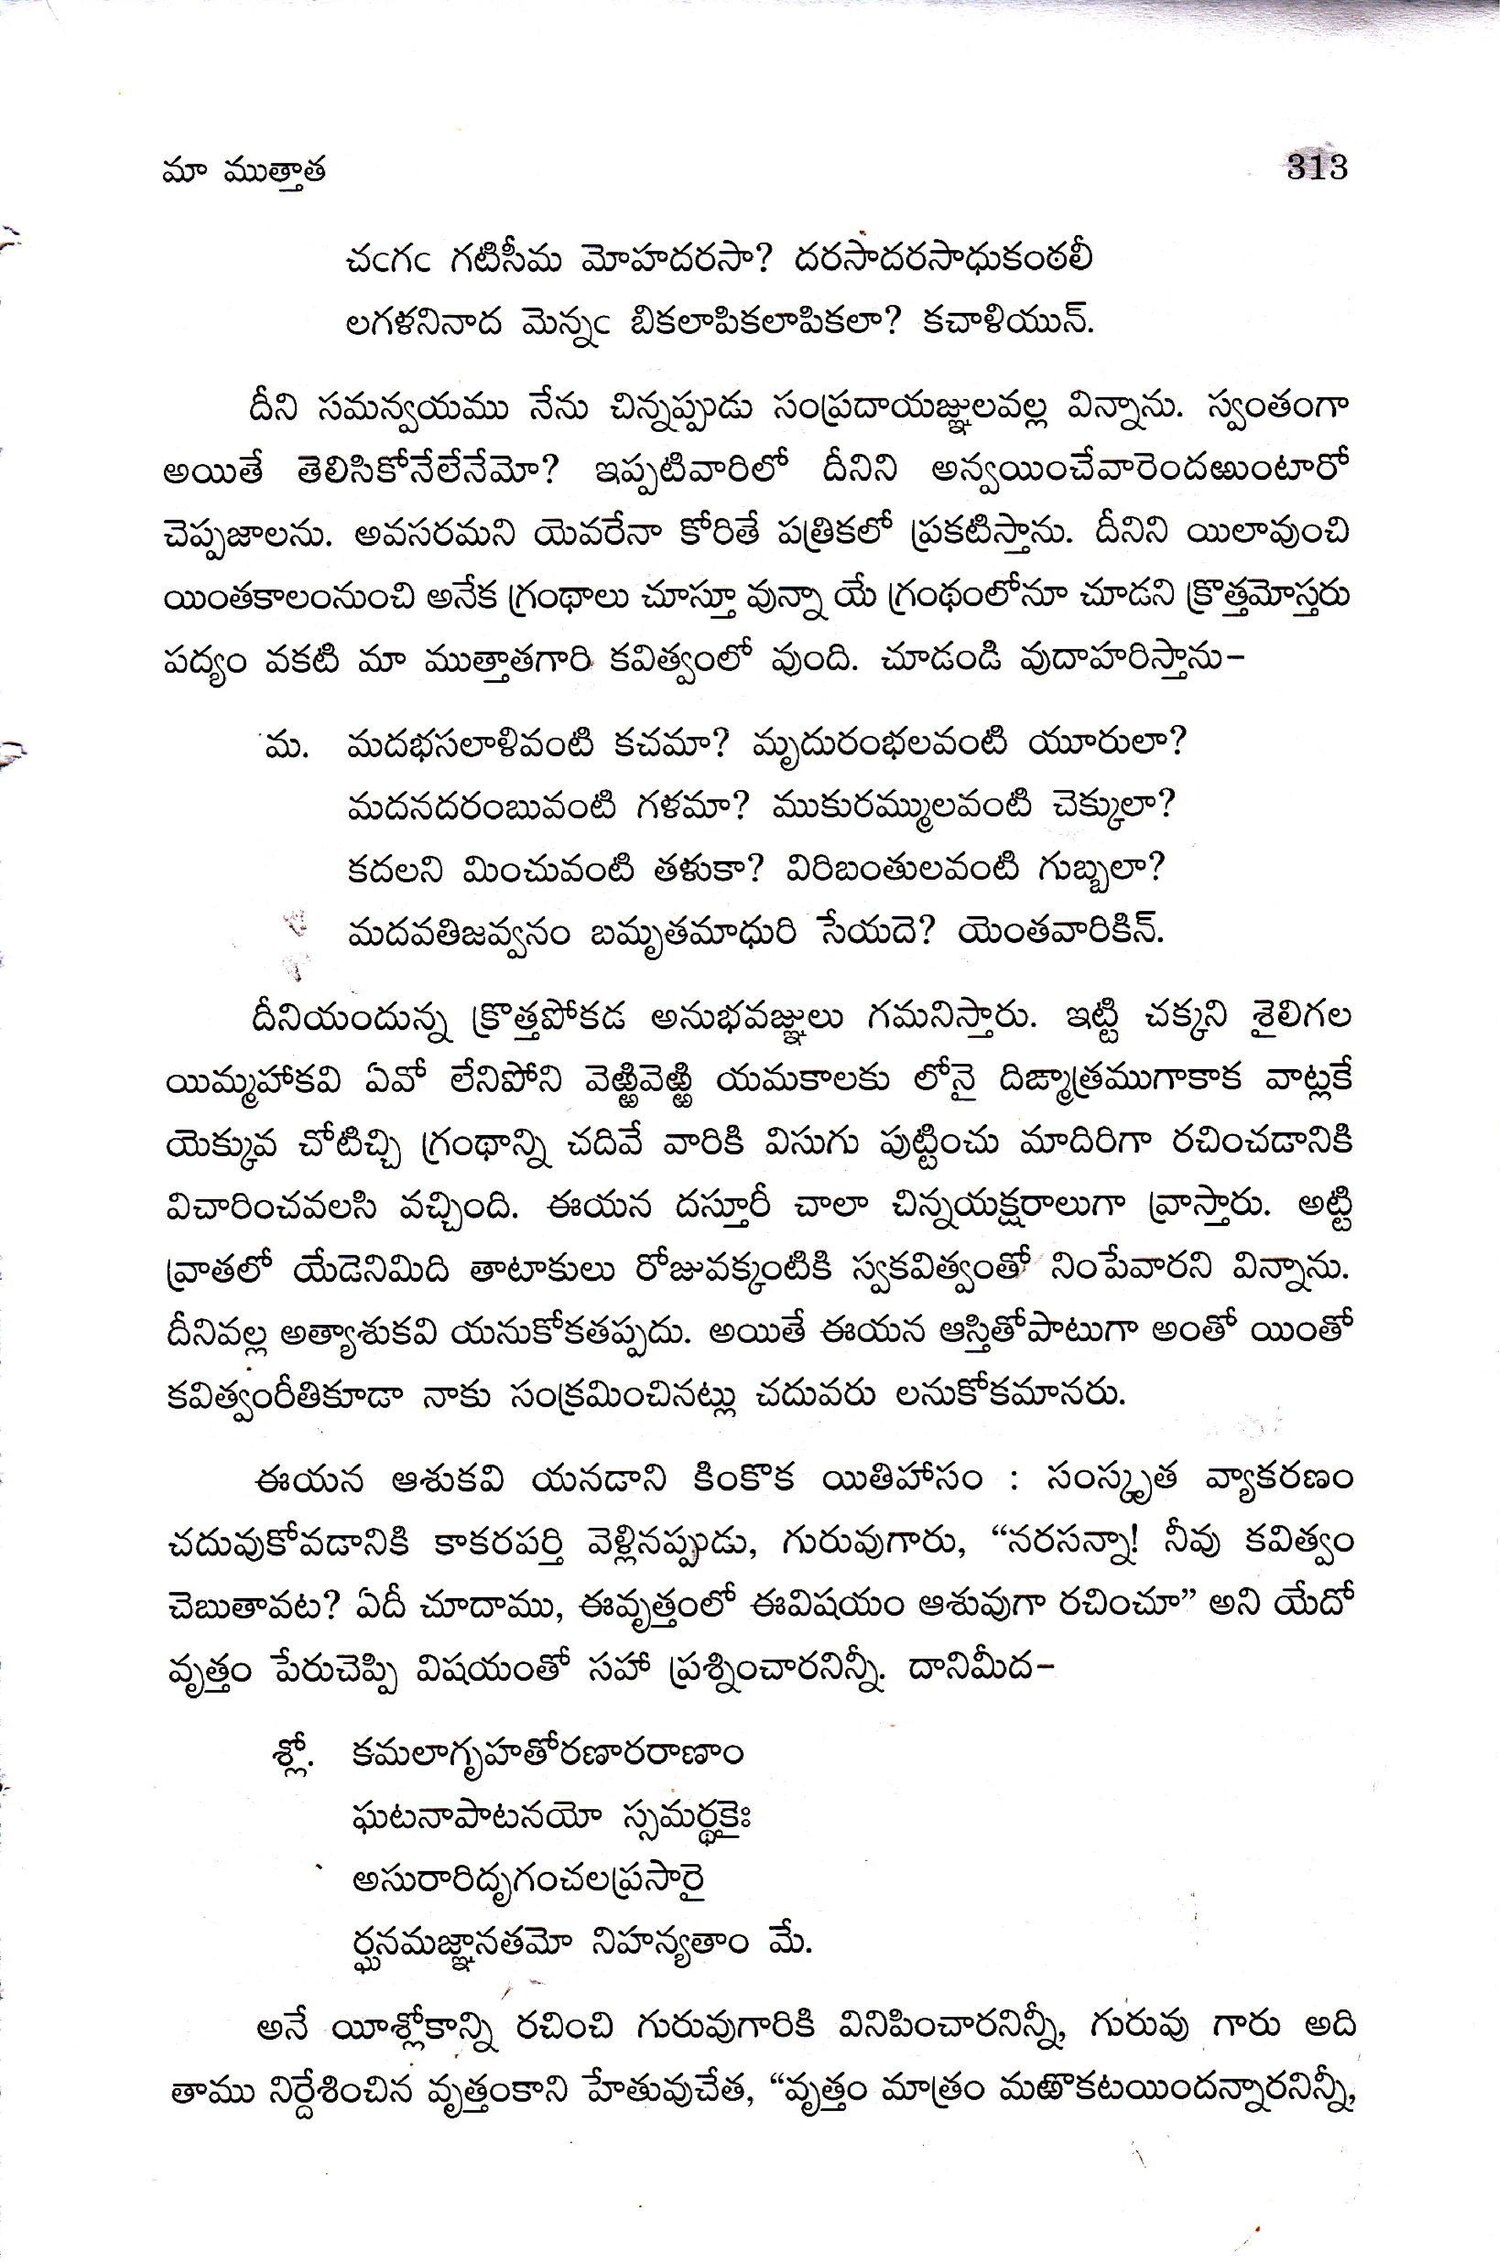చఁగఁ గటిసీమ మోహదరసా? దరసాదరసాధుకంఠలీ
లగళనినాద మెన్నఁ బికలాపికలాపికలా? కచాళియున్.
దీని సమన్వయము నేను చిన్నప్పుడు సంప్రదాయజ్ఞులవల్ల విన్నాను. స్వంతంగా అయితే తెలిసికోనేలేనేమో? ఇప్పటివారిలో దీనిని అన్వయించేవారెందఱుంటారో చెప్పజాలను. అవసరమని యెవరేనా కోరితే పత్రికలో ప్రకటిస్తాను. దీనిని యిలావుంచి యింతకాలంనుంచి అనేక గ్రంథాలు చూస్తూ వున్నాయే గ్రంథంలోనూ చూడని క్రొత్తమోస్తరు పద్యం వకటి మా ముత్తాతగారి కవిత్వంలో వుంది. చూడండి వుదాహరిస్తాను

మ. మదభసలాళివంటి కచమా? మృదురంభలవంటి యూరులా?
 మదనదరంబువంటి గళమా? ముకురమ్ములవంటి చెక్కులా? 
 కదలని మించువంటి తళుకా? విరిబంతులవంటి గుబ్బలా?
 మదవతిజవ్వనం బమృతమాధురి సేయదె? యెంతవారికిన్.
దీనియందున్న క్రొత్తపోకడ అనుభవజ్ఞులు గమనిస్తారు. ఇట్టి చక్కని శైలిగల యిమ్మహాకవి ఏవో లేనిపోని వెఱ్ఱివెఱ్ఱి యమకాలకు లోనై దిజ్మాత్రముగాకాక వాట్లకే యెక్కువ చోటిచ్చి గ్రంథాన్ని చదివే వారికి విసుగు పుట్టించు మాదిరిగా రచించడానికి విచారించవలసి వచ్చింది. ఈయన దస్తూరీ చాలా చిన్నయక్షరాలుగా వ్రాస్తారు. అట్టి వ్రాతలో యేడెనిమిది తాటాకులు రోజువక్కంటికి స్వకవిత్వంతో నింపేవారని విన్నాను. దీనివల్ల అత్యాశుకవి యనుకోకతప్పదు. అయితే ఈయన ఆస్తితోపాటుగా అంతో యింతో కవిత్వంరీతికూడా నాకు సంక్రమించినట్లు చదువరు లనుకోకమానరు.

ఈయన ఆశుకవి యనడాని కింకొక యితిహాసం : సంస్కృత వ్యాకరణం చదువుకోవడానికి కాకరపర్తి వెళ్లినప్పుడు, గురువుగారు, “నరసన్నా! నీవు కవిత్వం చెబుతావట? ఏదీ చూదాము, ఈవృత్తంలో ఈవిషయం ఆశువుగా రచించూ” అని యేదో వృత్తం పేరుచెప్పి విషయంతో సహా ప్రశ్నించారనిన్నీ దానిమీద-

శ్లో, కమలాగృహతోరణారరాణాం 
 ఘటనాపాటనయో స్సమర్థకైః 
 అసురారిదృగంచలప్రసారై 
 ర్ఘనమజ్ఞానతమో నిహన్యతాం మే.
అనే యీశ్లోకాన్ని రచించి గురువుగారికి వినిపించారనిన్నీ గురువు గారు అది తాము నిర్దేశించిన వృత్తంకాని హేతువుచేత, "వృత్తం మాత్రం మఱొకటయిందన్నారనిన్నీ
^